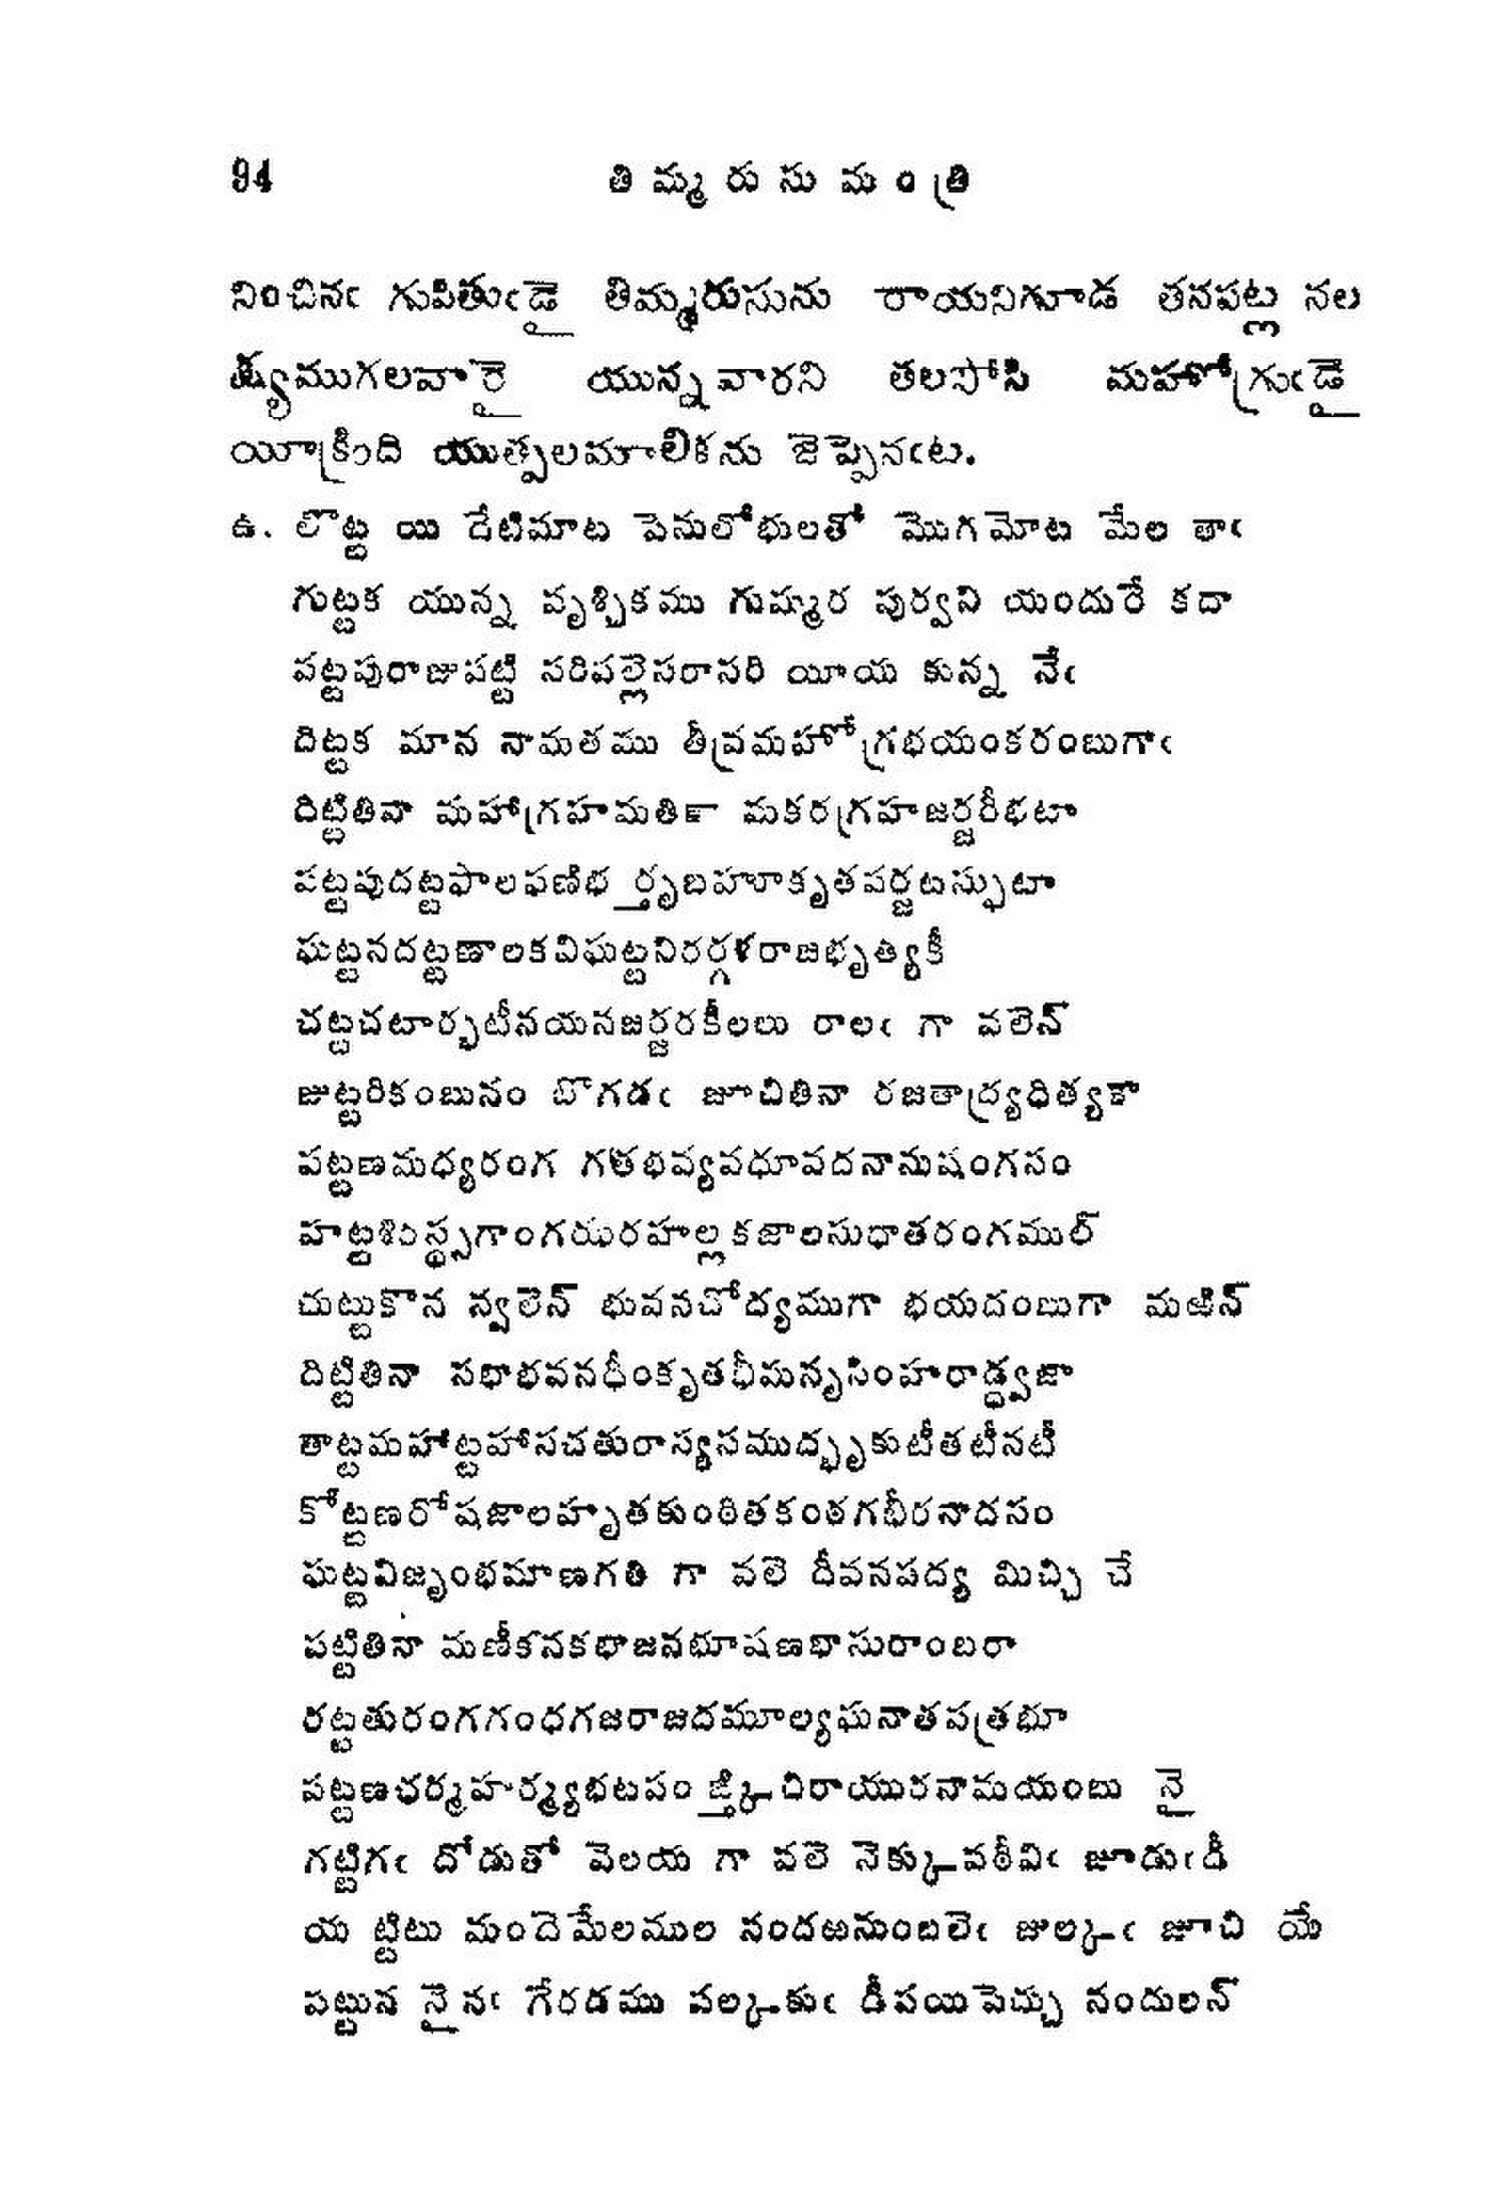నించినఁ గుపితుఁడై తిమ్మరుసును రాయనిగూడ తనపట్ల నలక్ష్యముగలవారై యున్నవారని తలపోసి మహోగ్రుఁడై యీక్రింది యుత్పలమాలికను జెప్పెనఁట. 

ఉ. లొట్ట యి డేటిమాట పెనులోభులతో మొగమోట మేల తాఁ 
 గుట్టక యున్న వృశ్చికము గుమ్మర పుర్వని యందురే కదా 
 పట్టపురాజుపట్టి సరిపల్లెసరాసరి యీయ కున్న నేఁ 
 దిట్టక మాన నామతము తీవ్రమహోగ్రభయంకరంబుగాఁ 
 దిట్టితినా మహాగ్రహమతి౯ - మకరగ్రహజర్జరీభటా 
 పట్టపుదట్టఫాలఫణిభర్తృబహూకృత పర్జటస్ఫుటా 
 ఘట్టనదట్టణాలకవిఘట్టనిరర్గళరాజభృత్యకీ 
 చట్టచటార్భటీనయనజర్జరకీలలు రాలఁ గా వలెన్ 
 జుట్టరికంబునం బొగడఁ జూచితినా రజతాద్ర్యధిత్యకా 
 పట్టణమధ్యరంగ గతభవ్యవధూవదనానుషంగసం 
 హట్టశిరస్థ్సగాంగఝరహల్ల కజాలసుధాతరంగముల్ 
 చుట్టుకొన న్వలెన్ భువనచోద్యముగా భయదంబుగా మఱిన్ 
 దిట్టితినా సభాభవనధీంకృతభీమనృసింహరాడ్డ్వజా 
 తాట్టమహాట్టహాసచతురాస్యసముద్భృకుటీతటీనటీ 
 కోట్టణరోషజాలహృతకుంఠితకంఠగభీరనాదసం 
 ఘట్టవిజృంభమాణగతి గా వలె దీవనపద్య మిచ్చి చే 
 పట్టితినా మణీకనకభాజనభూషణభాసురాంబరా 
 రట్టతురంగగంధగజరాజదమూల్యఘనాతపత్రభూ 
 పట్టణచర్మహర్మ్యభటపం జ్త్కిచిరాయురనామయంబు నై 
 గట్టిగఁ దోడుతో వెలయ గా వలె నెక్కువఠీవిఁ జూడుఁడీ 
 య ట్టిటు మందెమేలముల నందఱనుంబలెఁ జుల్కఁ జూచి యే 
 పట్టున నైనఁ గేరడము వల్కకుఁ డీపయిపెచ్చు నందులన్